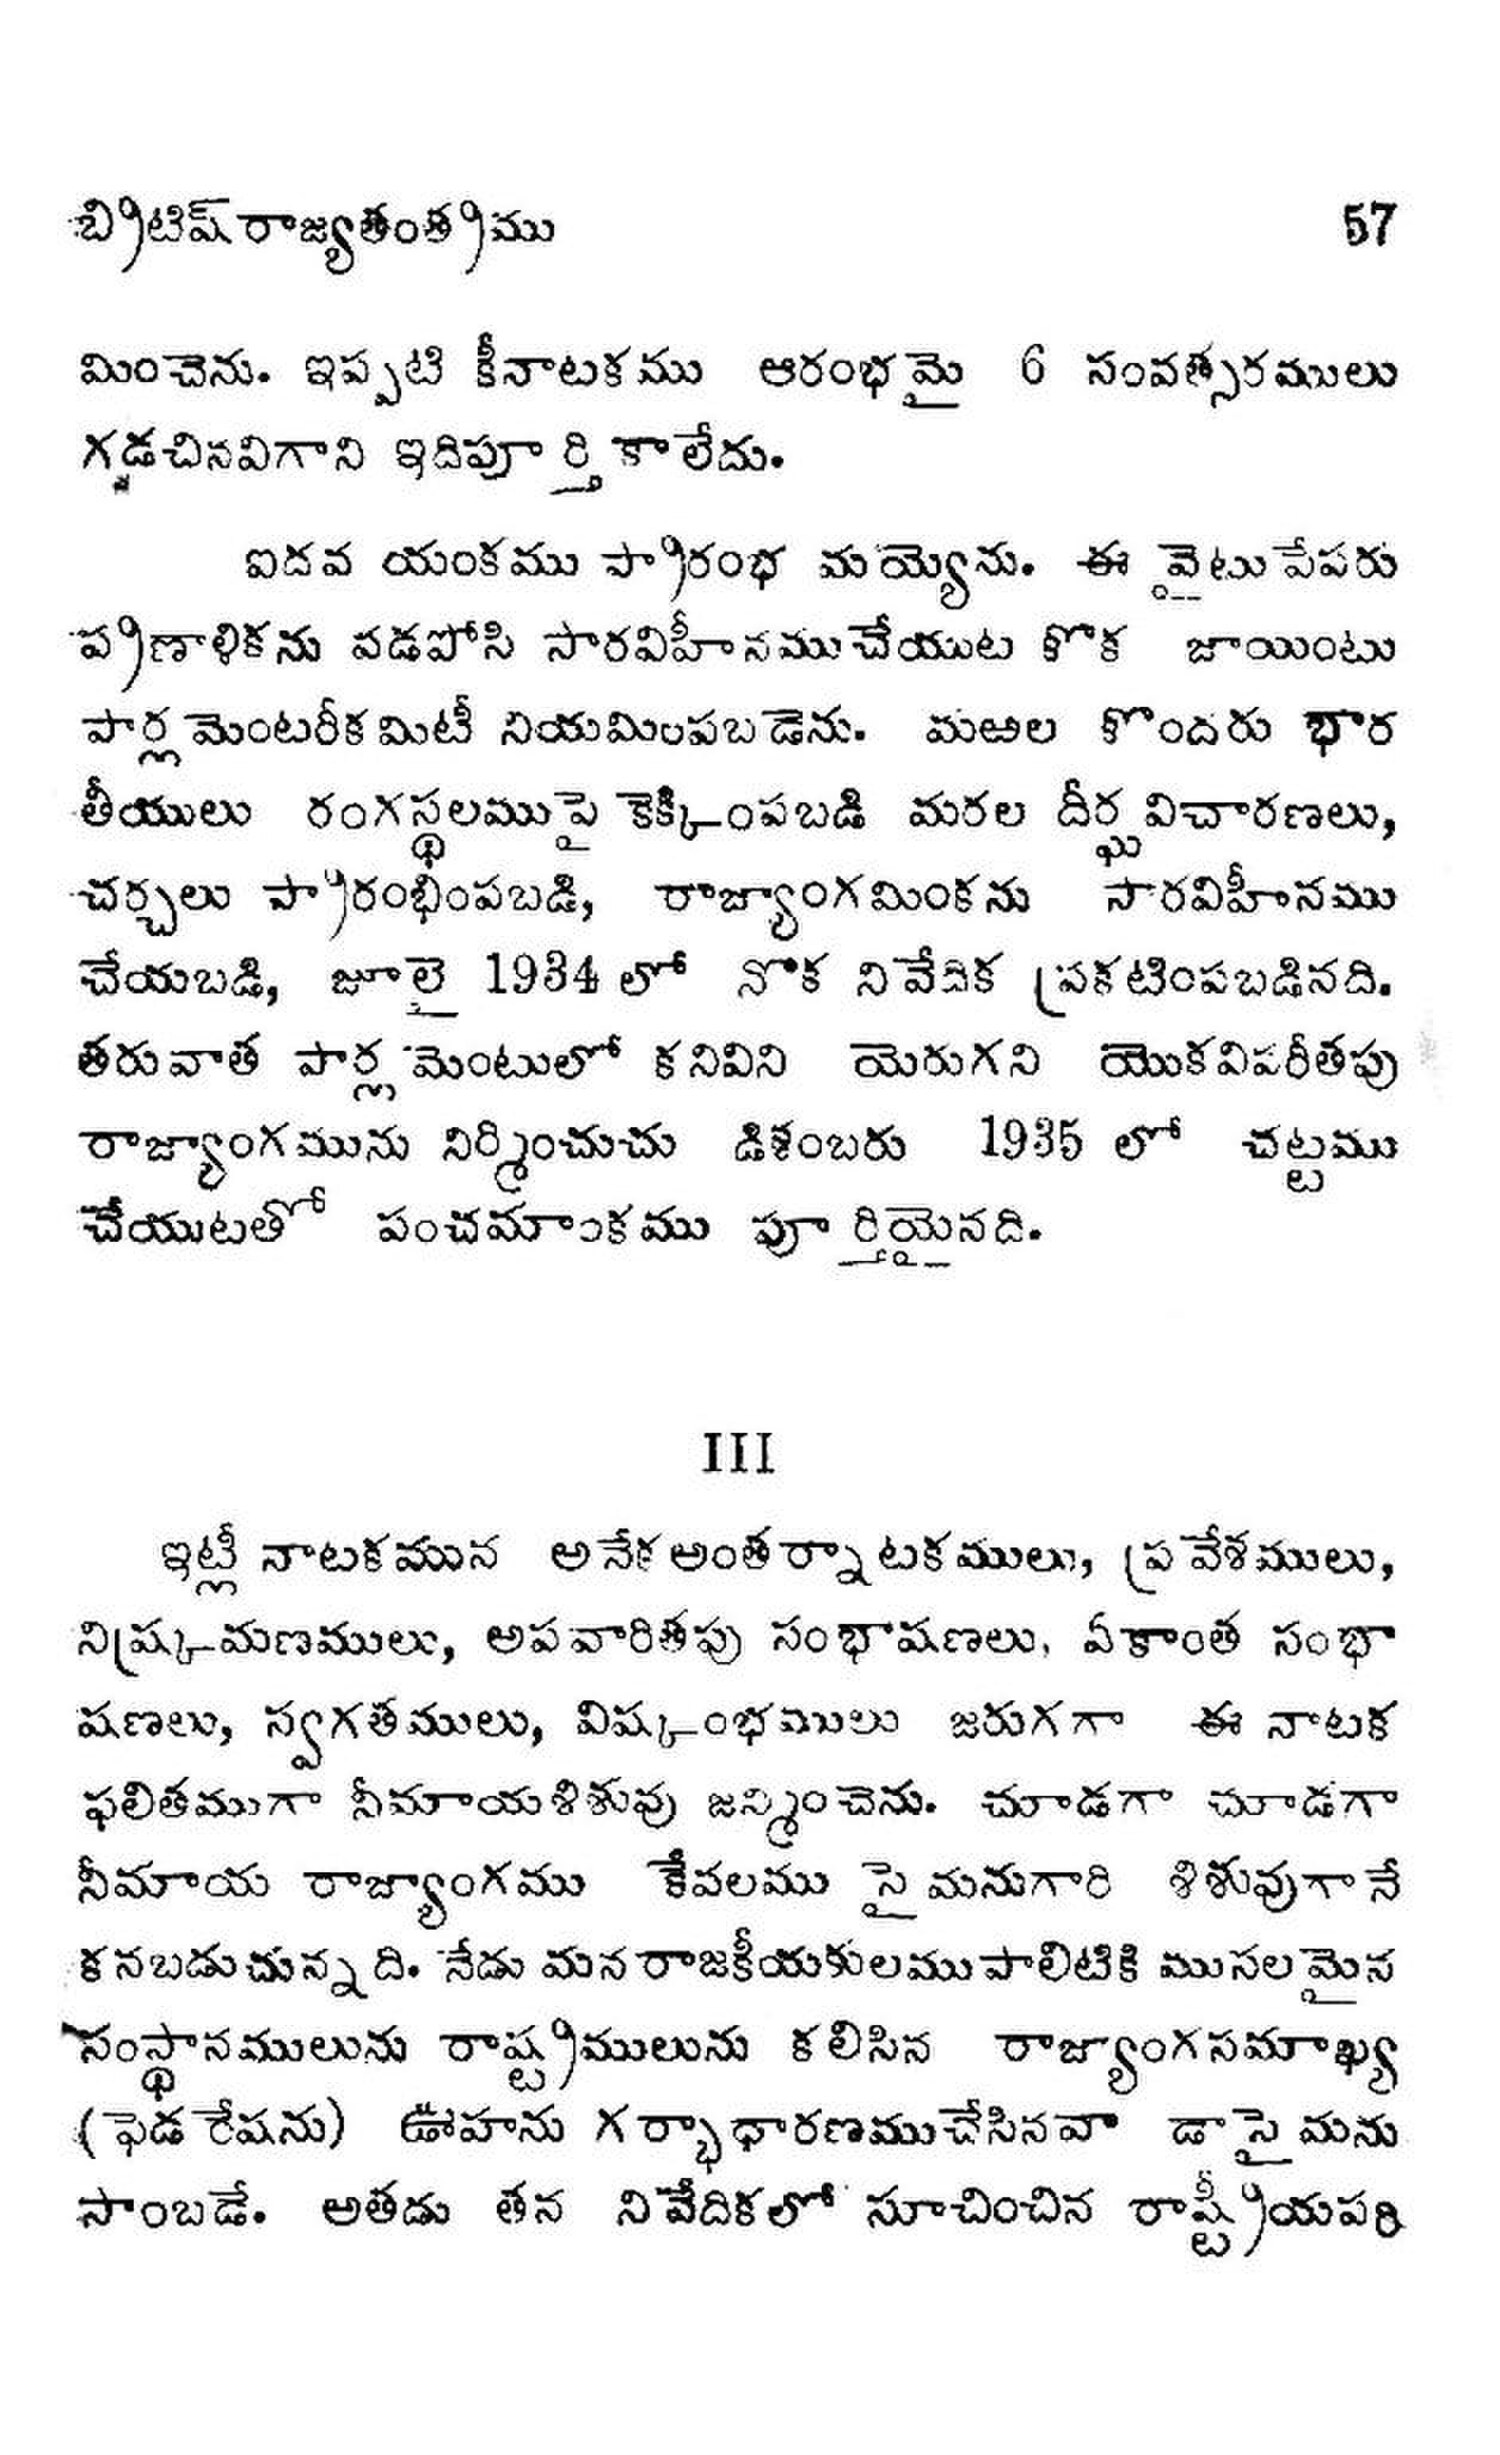మించెను. ఇప్పటి కీనాటకము ఆరంభమై 6 సంవత్సరములు గడచినవిగాని ఇదిపూర్తి కాలేదు.

ఐదవ యంకము ప్రారంభ మయ్యెను. ఈ వైటుపేపరు ప్రణాళికను వడపోసి సారవిహీనముచేయుట కొక జాయింటు పార్లమెంటరీకమిటీ నియమింపబడెను. మఱల కొందరు భారతీయులు రంగస్థలముపై కెక్కింపబడి మరల దీర్ఘవిచారణలు, చర్చలు ప్రారంభింపబడి, రాజ్యాంగమింకను సారవిహీనము చేయబడి, జూలై 1934 లో నొక నివేదిక ప్రకటింపబడినది. తరువాత పార్లమెంటులో కనివిని యెరుగని యొకవిపరీతపు రాజ్యాంగమును నిర్మించుచు డిశంబరు 1935 లో చట్టము చేయుటతో పంచమాంకము పూర్తియైనది.

III

ఇట్లే నాటకమున అనేక అంతర్నాటకములు, ప్రవేశములు, నిష్క్రమణములు, అపవారితపు సంభాషణలు, ఏకాంత సంభాషణలు, న్వగతములు, విష్కంభములు జరుగగా ఈ నాటక ఫలితముగా నీమాయశిశువు జన్మించెను. చూడగా చూడగా నీమాయ రాజ్యాంగము కేవలము సైమనుగారి శిశువుగానే కనబడుచున్నది. నేడు మన రాజకీయకులము పాలిటికి ముసలమైన సంస్థానములును రాష్ట్రములును కలిసిన రాజ్యంగసమాఖ్య ( ఫెడ రేషను) ఊహను గర్భాధారణముచేసినవా డాసైమను సాంబడే. అతడు తన నివేదికలో సూచించిన రాష్ట్రీయపరి